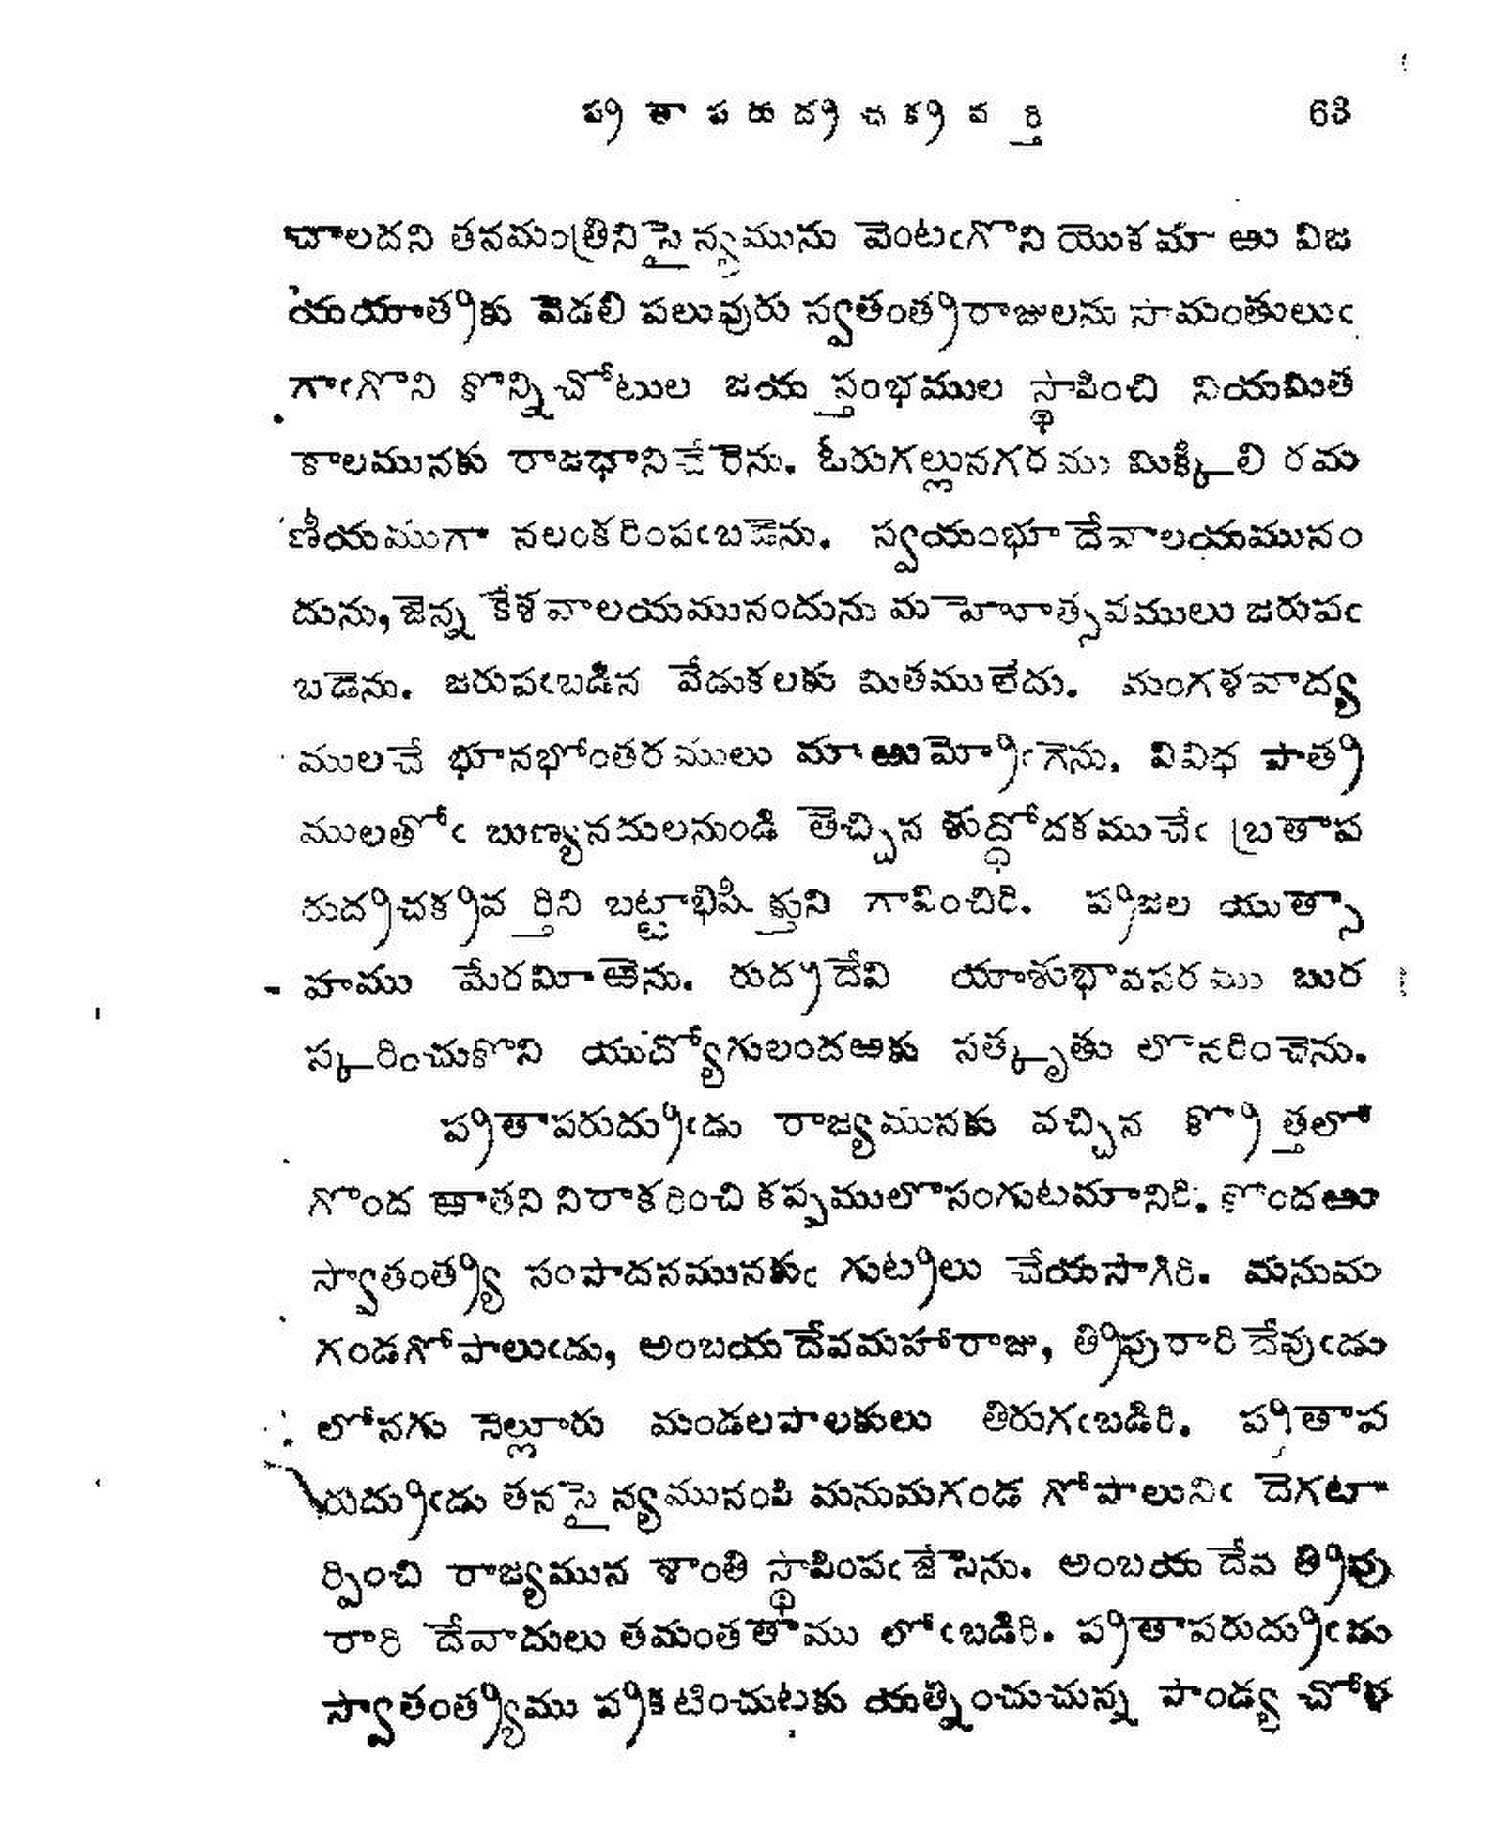చాలదని తనమంత్రిని సైన్యమును వెంటగొని యొకమాఱు విజయయాత్రకు వెడలి పలువురు స్వతంత్రరాజులను సామంతులుగా గొని కొన్నిచోటుల జయస్తంభముల స్థాపించి నియమిత కాలమునకు రాజధాని చేరెను. ఓరుగల్లు నగరము మిక్కిలి రమణీయముగా నలంకరింప బడెను. స్వయంభూదేవాలయము నందును, జెన్న కేశవాలయము నందును మహోత్సవములు జరుప బడెను. జరుపబడిన వేడుకలకు మితములేదు. మంగళవాద్యములచే భూనభోంతరములు మాఱుమ్రోగెను. వివిధ ప్రాంతములతో బుణ్యనదులనుండి తెచ్చిన శుద్ధోదకముచే బ్రతాపరుద్రచక్రవర్తిని బట్టాభిషిక్తుని గావించిరి. ప్రజల యుత్సాహము మేరమీఱెను. రుద్రమదేవి యాశుభావపరము బురస్కరించుకొని యుద్యోగులందఱకు సత్కృతు లొనరించెను.

ప్రతాపరుద్రుడు రాజ్యమునకు వచ్చిన క్రొత్తలో గొంద ఱాతని నిరాకరించి కప్పములొసంగుట మానిరి. కొందఱు స్వాతంత్ర్య సంపాదమునకు గుట్రలు చేయసాగిరి. మనుమగండగోపాలుడు, అంబయదేవమహారాజు, త్రిపురారి దేవుడులోనగు నెల్లూరు మండలపాలకులు తిరుగబడిరి. ప్రతాపరుద్రుడు తనసైన్యమునంపి మనుమగండ గోపాలుని దెగటార్పించి రాజ్యమున శాంతి స్థాపింప జేసెను. అంబయ దేవ త్రిపురారి దేవాదులు తమంతతాము లోబడిరి. ప్రతాపరుద్రుడు స్వాతంత్ర్యము ప్రకటించుటకు యత్నించుచున్న పాండ్య చోళ